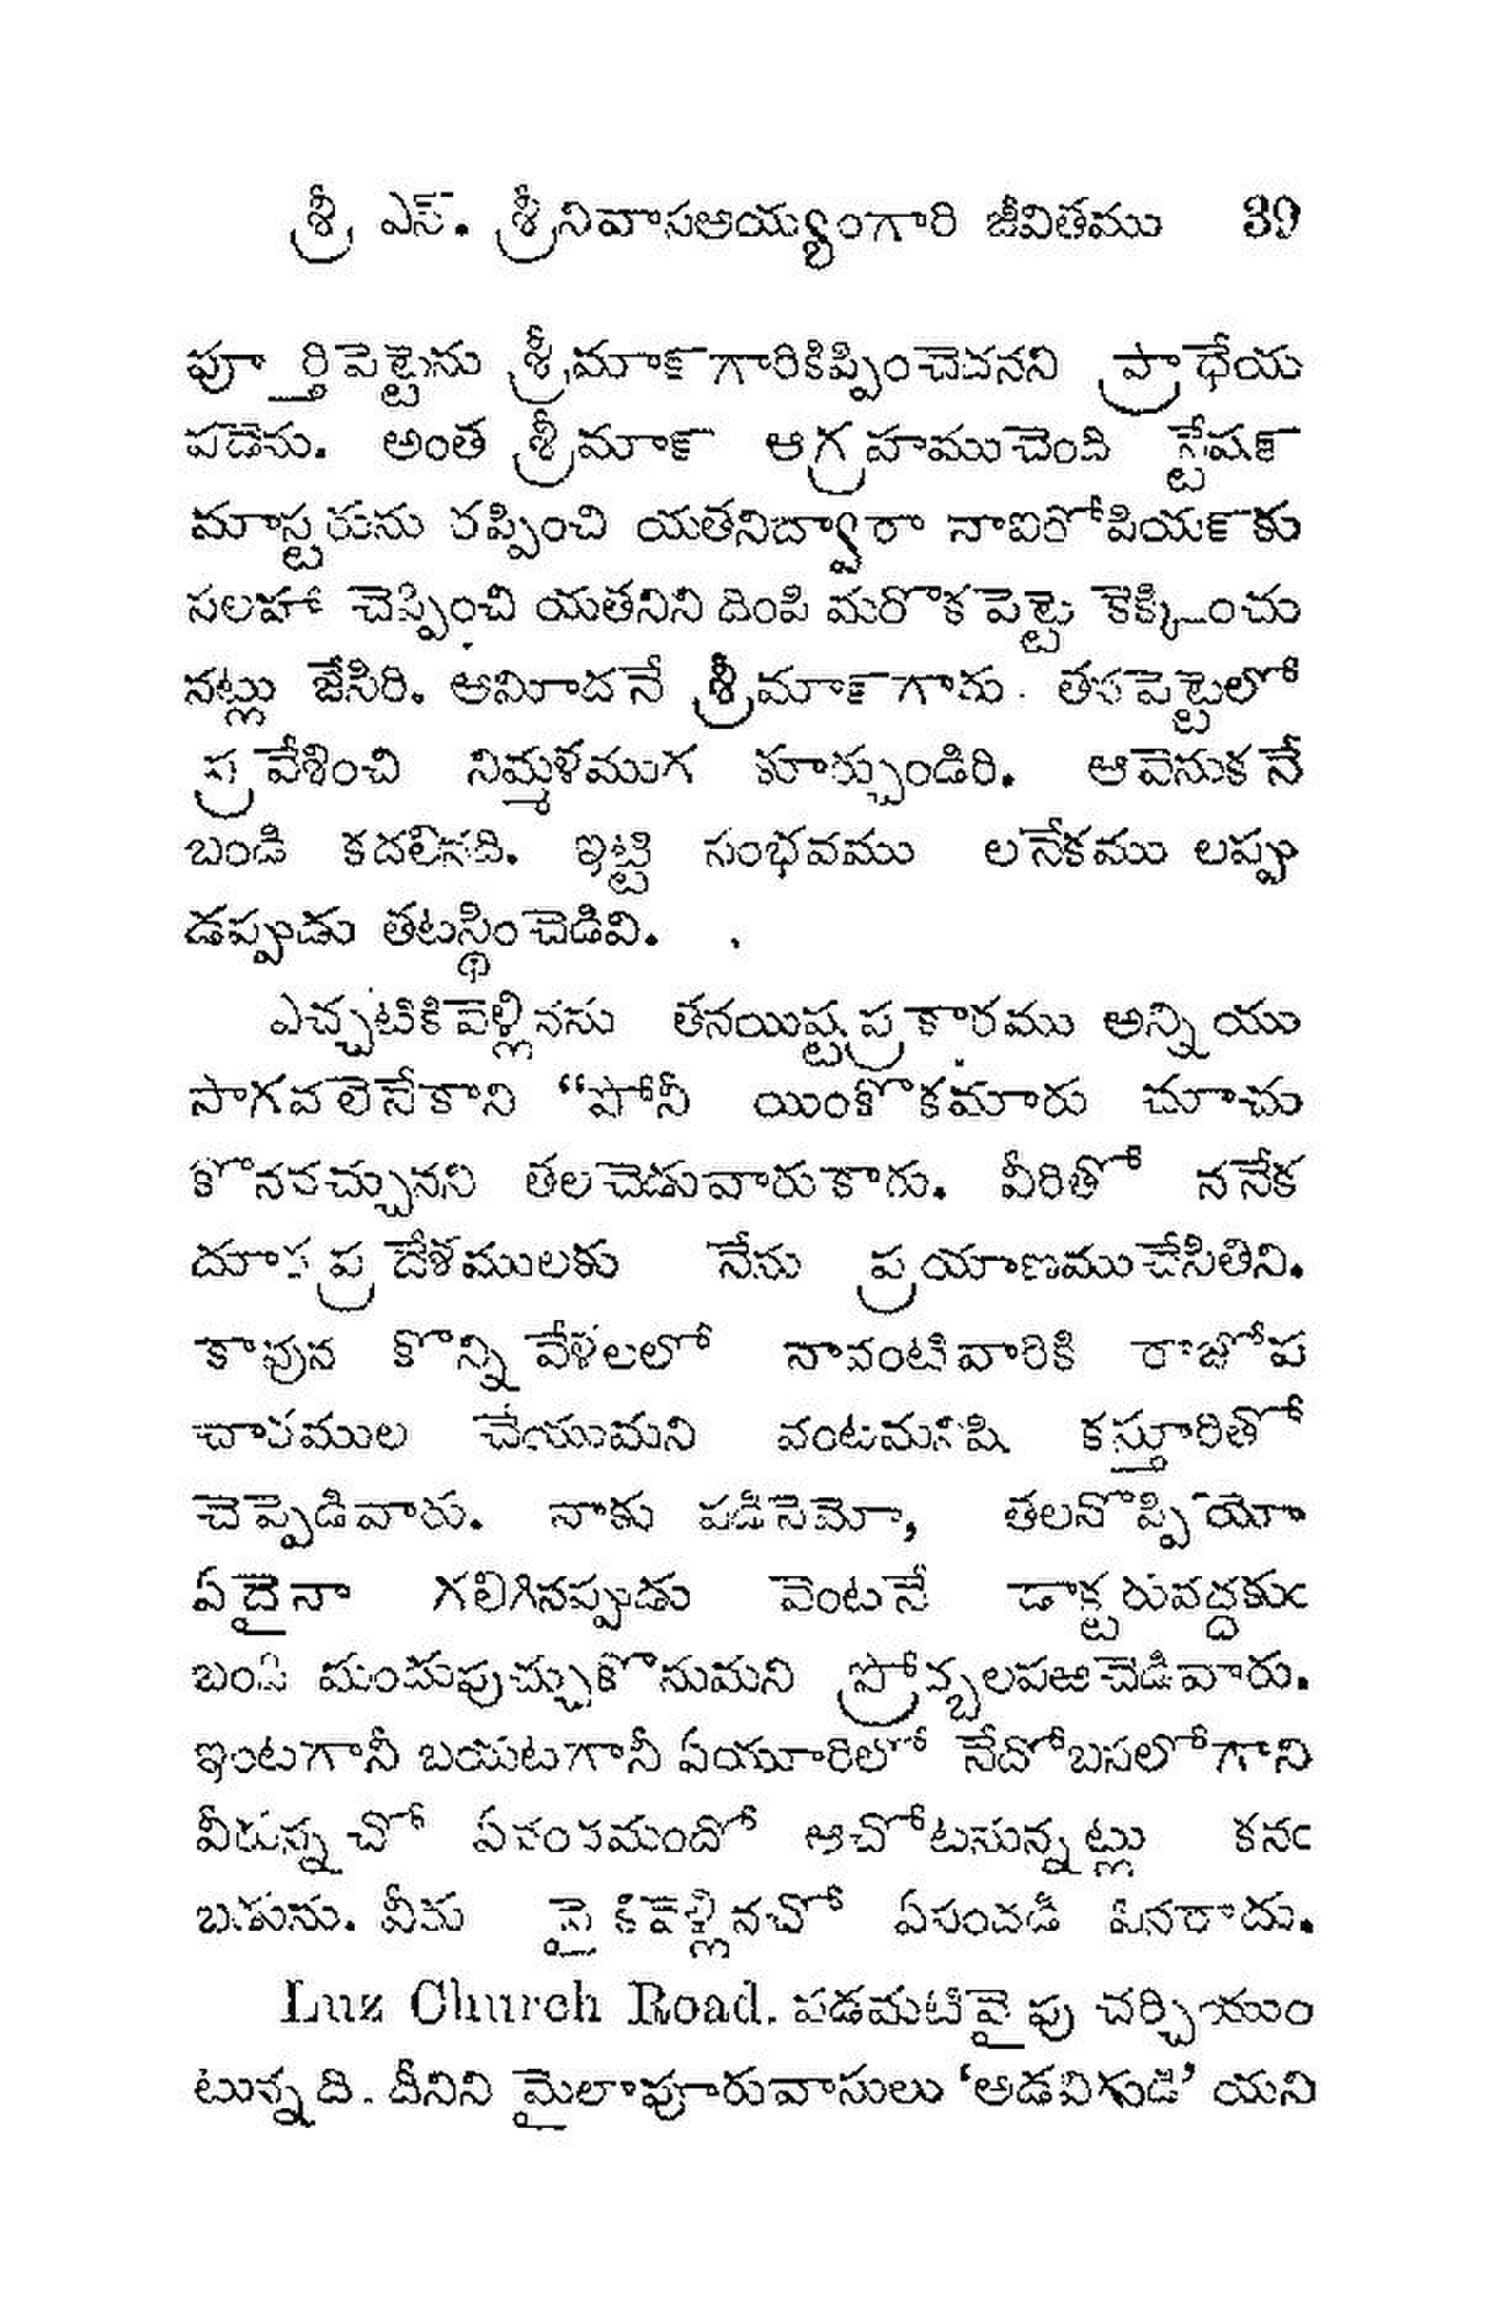పూర్తిపెట్టెను శ్రీమా౯గారికిప్పించెదనని ప్రాధేయపడెను. అంత శ్రీమా౯ ఆగ్రహముచెంది స్టేష౯మాస్టరును రప్పించి యతనిద్వారా నాఐరోపియ౯కు సలహా చెప్పించి యతనిని దింపి మరొక పెట్టె కెక్కించునట్లు జేసిరి. అమీదనే శ్రీమా౯గారు తనపెట్టెలో ప్రవేశించి నిమ్మళముగ కూర్చుండిరి. ఆవెనుకనే బండి కదలినది. ఇట్టి సంభవము లనేకము లప్పుడప్పుడు తటస్థించెడివి. 

ఎచ్చటికివెళ్లినను తనయిష్టప్రకారము అన్నియు సాగవలెనేకాని "పోనీ యింకొకమారు చూచుకొనవచ్చునని తలచెడువారుకారు. వీరితో ననేక దూరప్రదేశములకు నేను ప్రయాణము చేసితిని. కావున కొన్నివేళలలో నావంటివారికి రాజోపచారముల చేయుమని వంటమనిషి కస్తూరితో చెప్పెడివారు. నాకు పడిసెమో, తలనొప్పియో ఏదైనా గలిగినప్పుడు వెంటనే డాక్టరువద్దకుఁ బంపి మందుపుచ్చుకొనుమని ప్రోద్బలపఱచెడివారు. ఇంటగానీ బయటగానీ ఏయూరిలో నేదోబసలోగాని వీరున్నచో ఏవందమందో ఆచోటనున్నట్లు కనఁబడును. వీరు పైకివెళ్లినచో ఏసందడి వినరాదు.

Luz Church Road. పడమటివైపు చర్చియుంటున్నది. దీనిని మైలాపూరువాసులు 'అడవిగుడి' యని